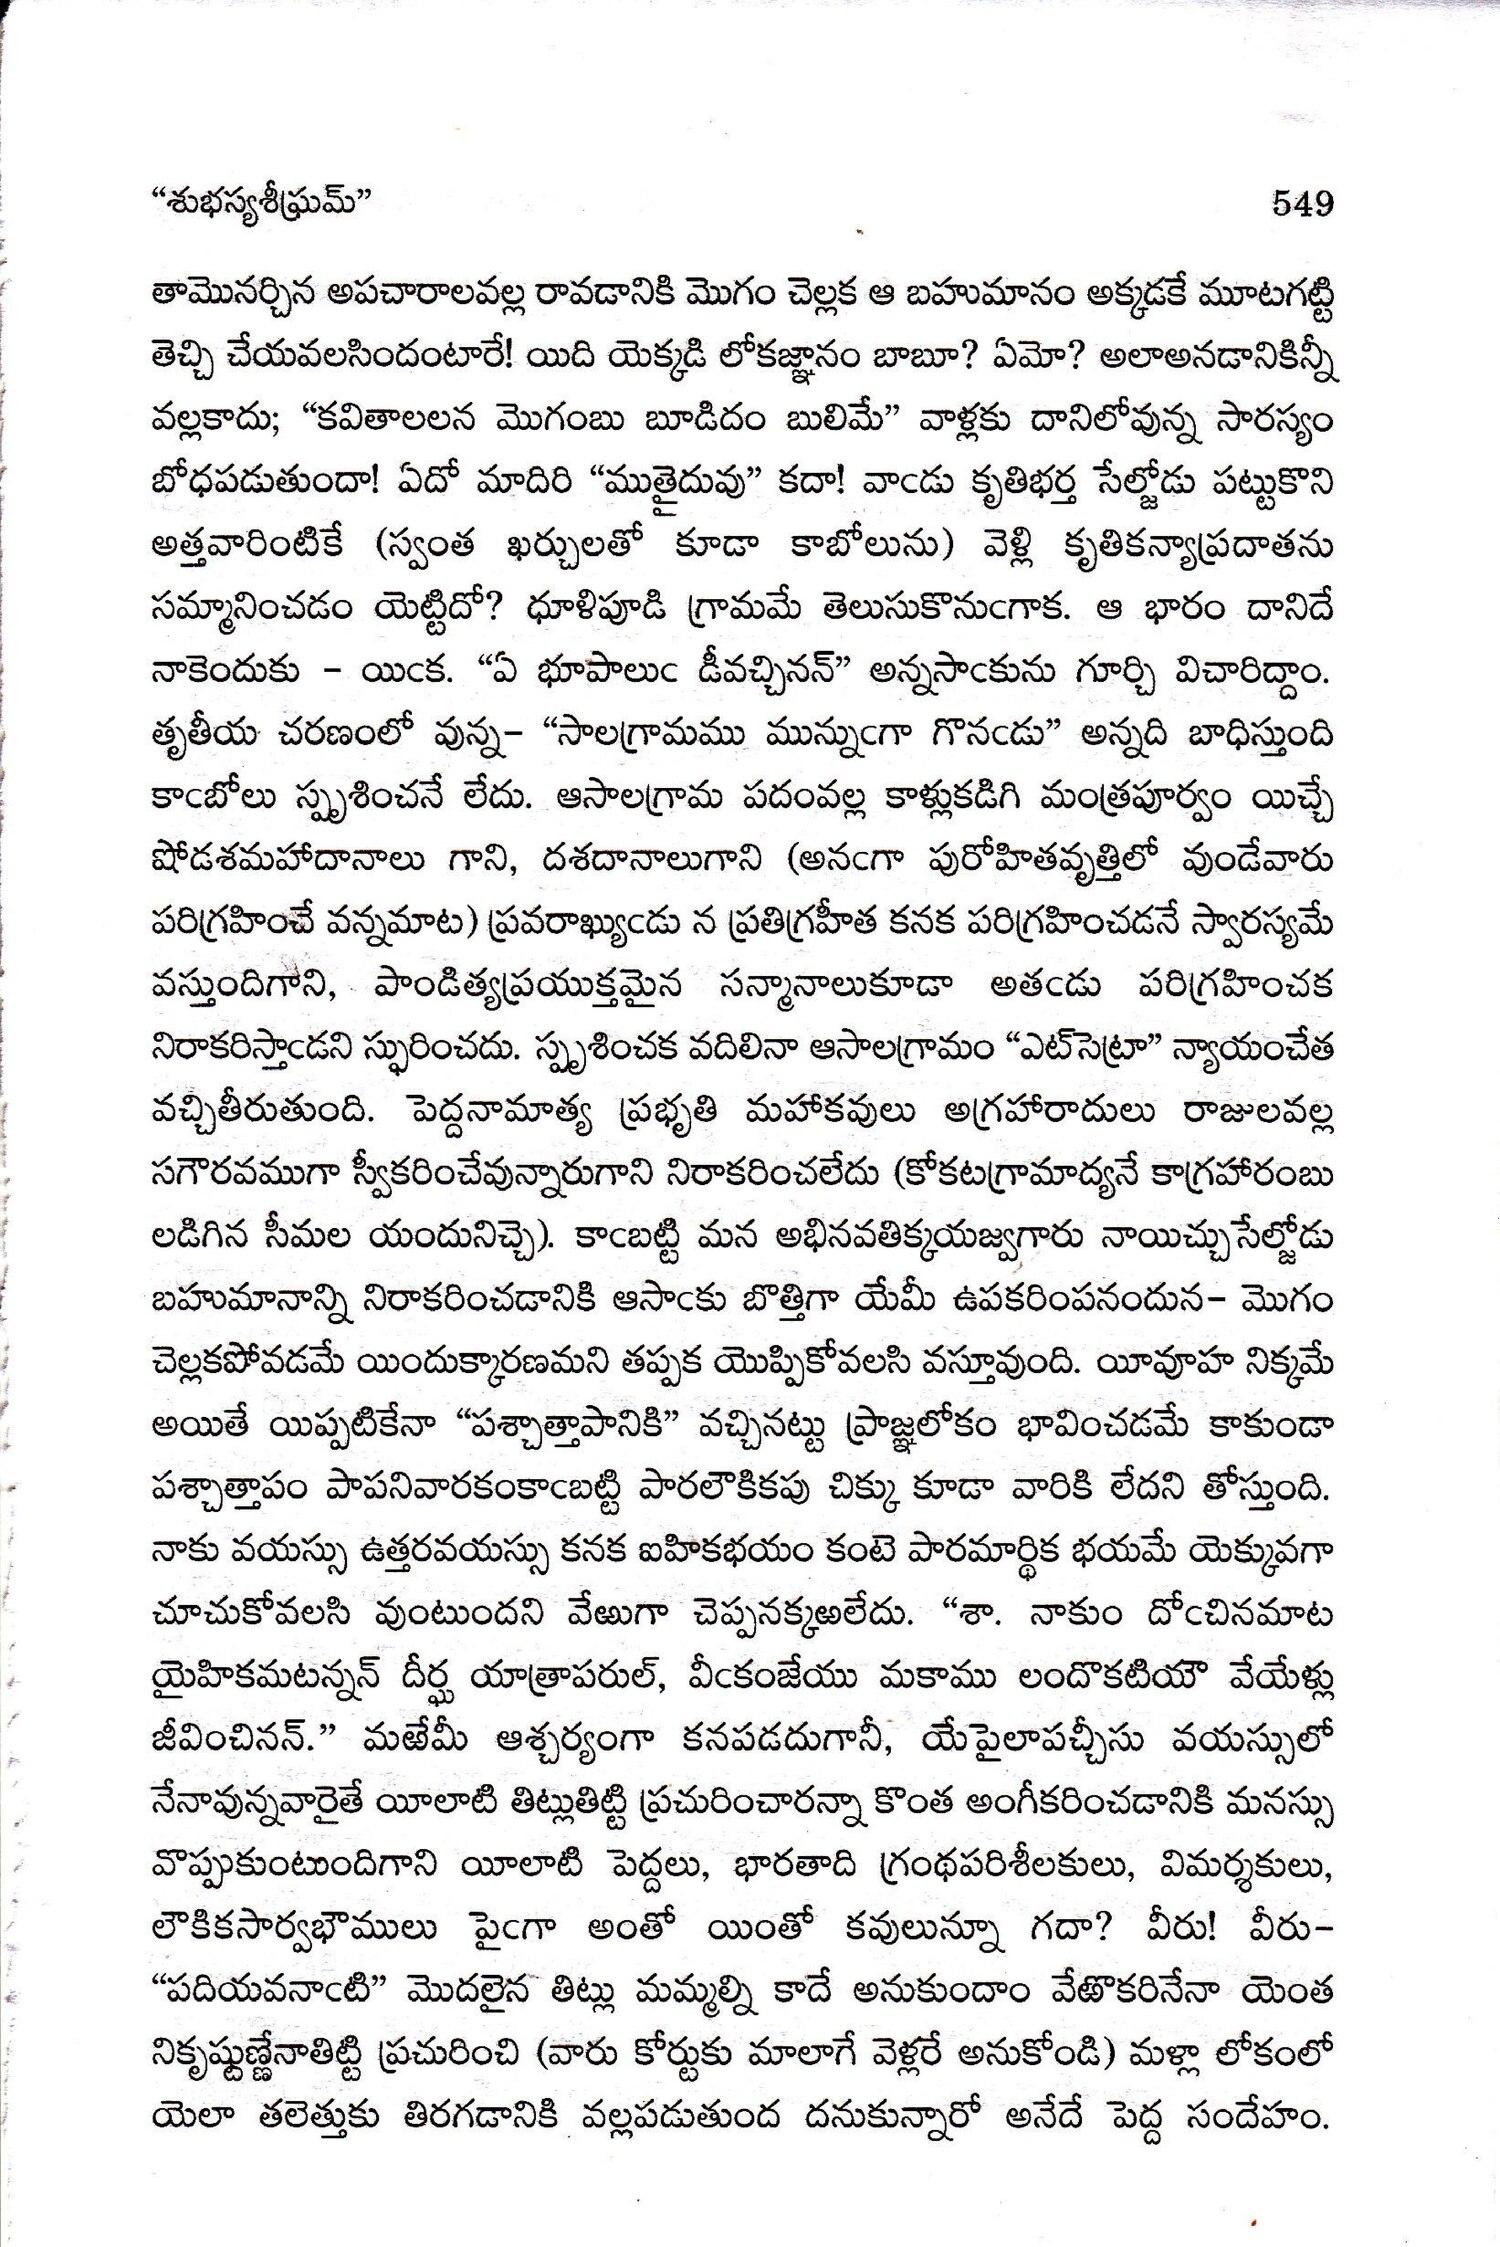తామొనర్చిన అపచారాలవల్ల రావడానికి మొగం చెల్లక ఆ బహుమానం అక్కడకే మూటగట్టి తెచ్చి చేయవలసిందంటారే! యిది యెక్కడి లోకజ్ఞానం బాబూ? ఏమో? అలాఅనడానికిన్నీ వల్లకాదు; “కవితాలలన మొగంబు బూడిదం బులిమే" వాళ్లకు దానిలోవున్న సారస్యం బోధపడుతుందా! ఏదో మాదిరి "ముతైదువు" కదా! వాఁడు కృతిభర్త సేల్జోడు పట్టుకొని అత్తవారింటికే (స్వంత ఖర్చులతో కూడా కాబోలును) వెళ్లి కృతికన్యాప్రదాతను సమ్మానించడం యెట్టిదో? ధూళిపూడి గ్రామమే తెలుసుకొనుcగాక. ఆ భారం దానిదే నాకెందుకు - యిఁక. “ఏ భూపాలుc డీవచ్చినన్” అన్నసాఁకును గూర్చి విచారిద్దాం. తృతీయ చరణంలో వున్న- “సాలగ్రామము మున్నుఁగా గొనఁడు” అన్నది బాధిస్తుంది కాఁబోలు స్పృశించనే లేదు. ఆసాలగ్రామ పదంవల్ల కాళ్లుకడిగి మంత్రపూర్వం యిచ్చే షోడశమహాదానాలు గాని, దశదానాలుగాని (అనఁగా పురోహితవృత్తిలో వుండేవారు పరిగ్రహించే వన్నమాట) ప్రవరాఖ్యుఁడు న ప్రతిగ్రహీత కనక పరిగ్రహించడనే స్వారస్యమే వస్తుందిగాని, పాండిత్యప్రయుక్తమైన సన్మానాలుకూడా అతఁడు పరిగ్రహించక నిరాకరిస్తాఁడని స్ఫురించదు. స్పృశించక వదిలినా ఆసాలగ్రామం "ఎట్‌సెట్రా" న్యాయంచేత వచ్చితీరుతుంది. పెద్దనామాత్య ప్రభృతి మహాకవులు అగ్రహారాదులు రాజులవల్ల సగౌరవముగా స్వీకరించేవున్నారుగాని నిరాకరించలేదు (కోకటగ్రామాద్యనే కాగ్రహారంబు లడిగిన సీమల యందునిచ్చె). కాఁబట్టి మన అభినవతిక్కయజ్వగారు నాయిచ్చుసేల్జోడు బహుమానాన్ని నిరాకరించడానికి ఆసాఁకు బొత్తిగా యేమీ ఉపకరింపనందున- మొగం చెల్లకపోవడమే యిందుక్కారణమని తప్పక యొప్పికోవలసి వస్తూవుంది. యీవూహ నిక్కమే అయితే యిప్పటికేనా "పశ్చాత్తాపానికి" వచ్చినట్టు ప్రాజ్ఞలోకం భావించడమే కాకుండా పశ్చాత్తాపం పాపనివారకంకాఁబట్టి పారలౌకికపు చిక్కు కూడా వారికి లేదని తోస్తుంది. నాకు వయస్సు ఉత్తరవయస్సు కనక ఐహికభయం కంటె పారమార్థిక భయమే యెక్కువగా చూచుకోవలసి వుంటుందని వేఱుగా చెప్పనక్కఱలేదు. “శా. నాకుం దోఁచినమాట యైహికమటన్నన్ దీర్ఘ యాత్రాపరుల్, వీఁకంజేయు మకాము లందొకటియౌ వేయేళ్లు జీవించినన్." మఱేమీ ఆశ్చర్యంగా కనపడదుగానీ, యే పైలాపచ్చీసు వయస్సులో నేనావున్నవారైతే యీలాటి తిట్లుతిట్టి ప్రచురించారన్నా కొంత అంగీకరించడానికి మనస్సు వొప్పుకుంటుందిగాని యీలాటి పెద్దలు, భారతాది గ్రంథపరిశీలకులు, విమర్శకులు, లౌకికసార్వభౌములు పైఁగా అంతో యింతో కవులున్నూ గదా? వీరు! వీరు“పదియవనాఁటి" మొదలైన తిట్లు మమ్మల్ని కాదే అనుకుందాం వేఱొకరినేనా యెంత నికృష్టుణ్ణేనాతిట్టి ప్రచురించి (వారు కోర్టుకు మాలాగే వెళ్లరే అనుకోండి) మళ్లా లోకంలో యెలా తలెత్తుకు తిరగడానికి వల్లపడుతుంద దనుకున్నారో అనేదే పెద్ద సందేహం.